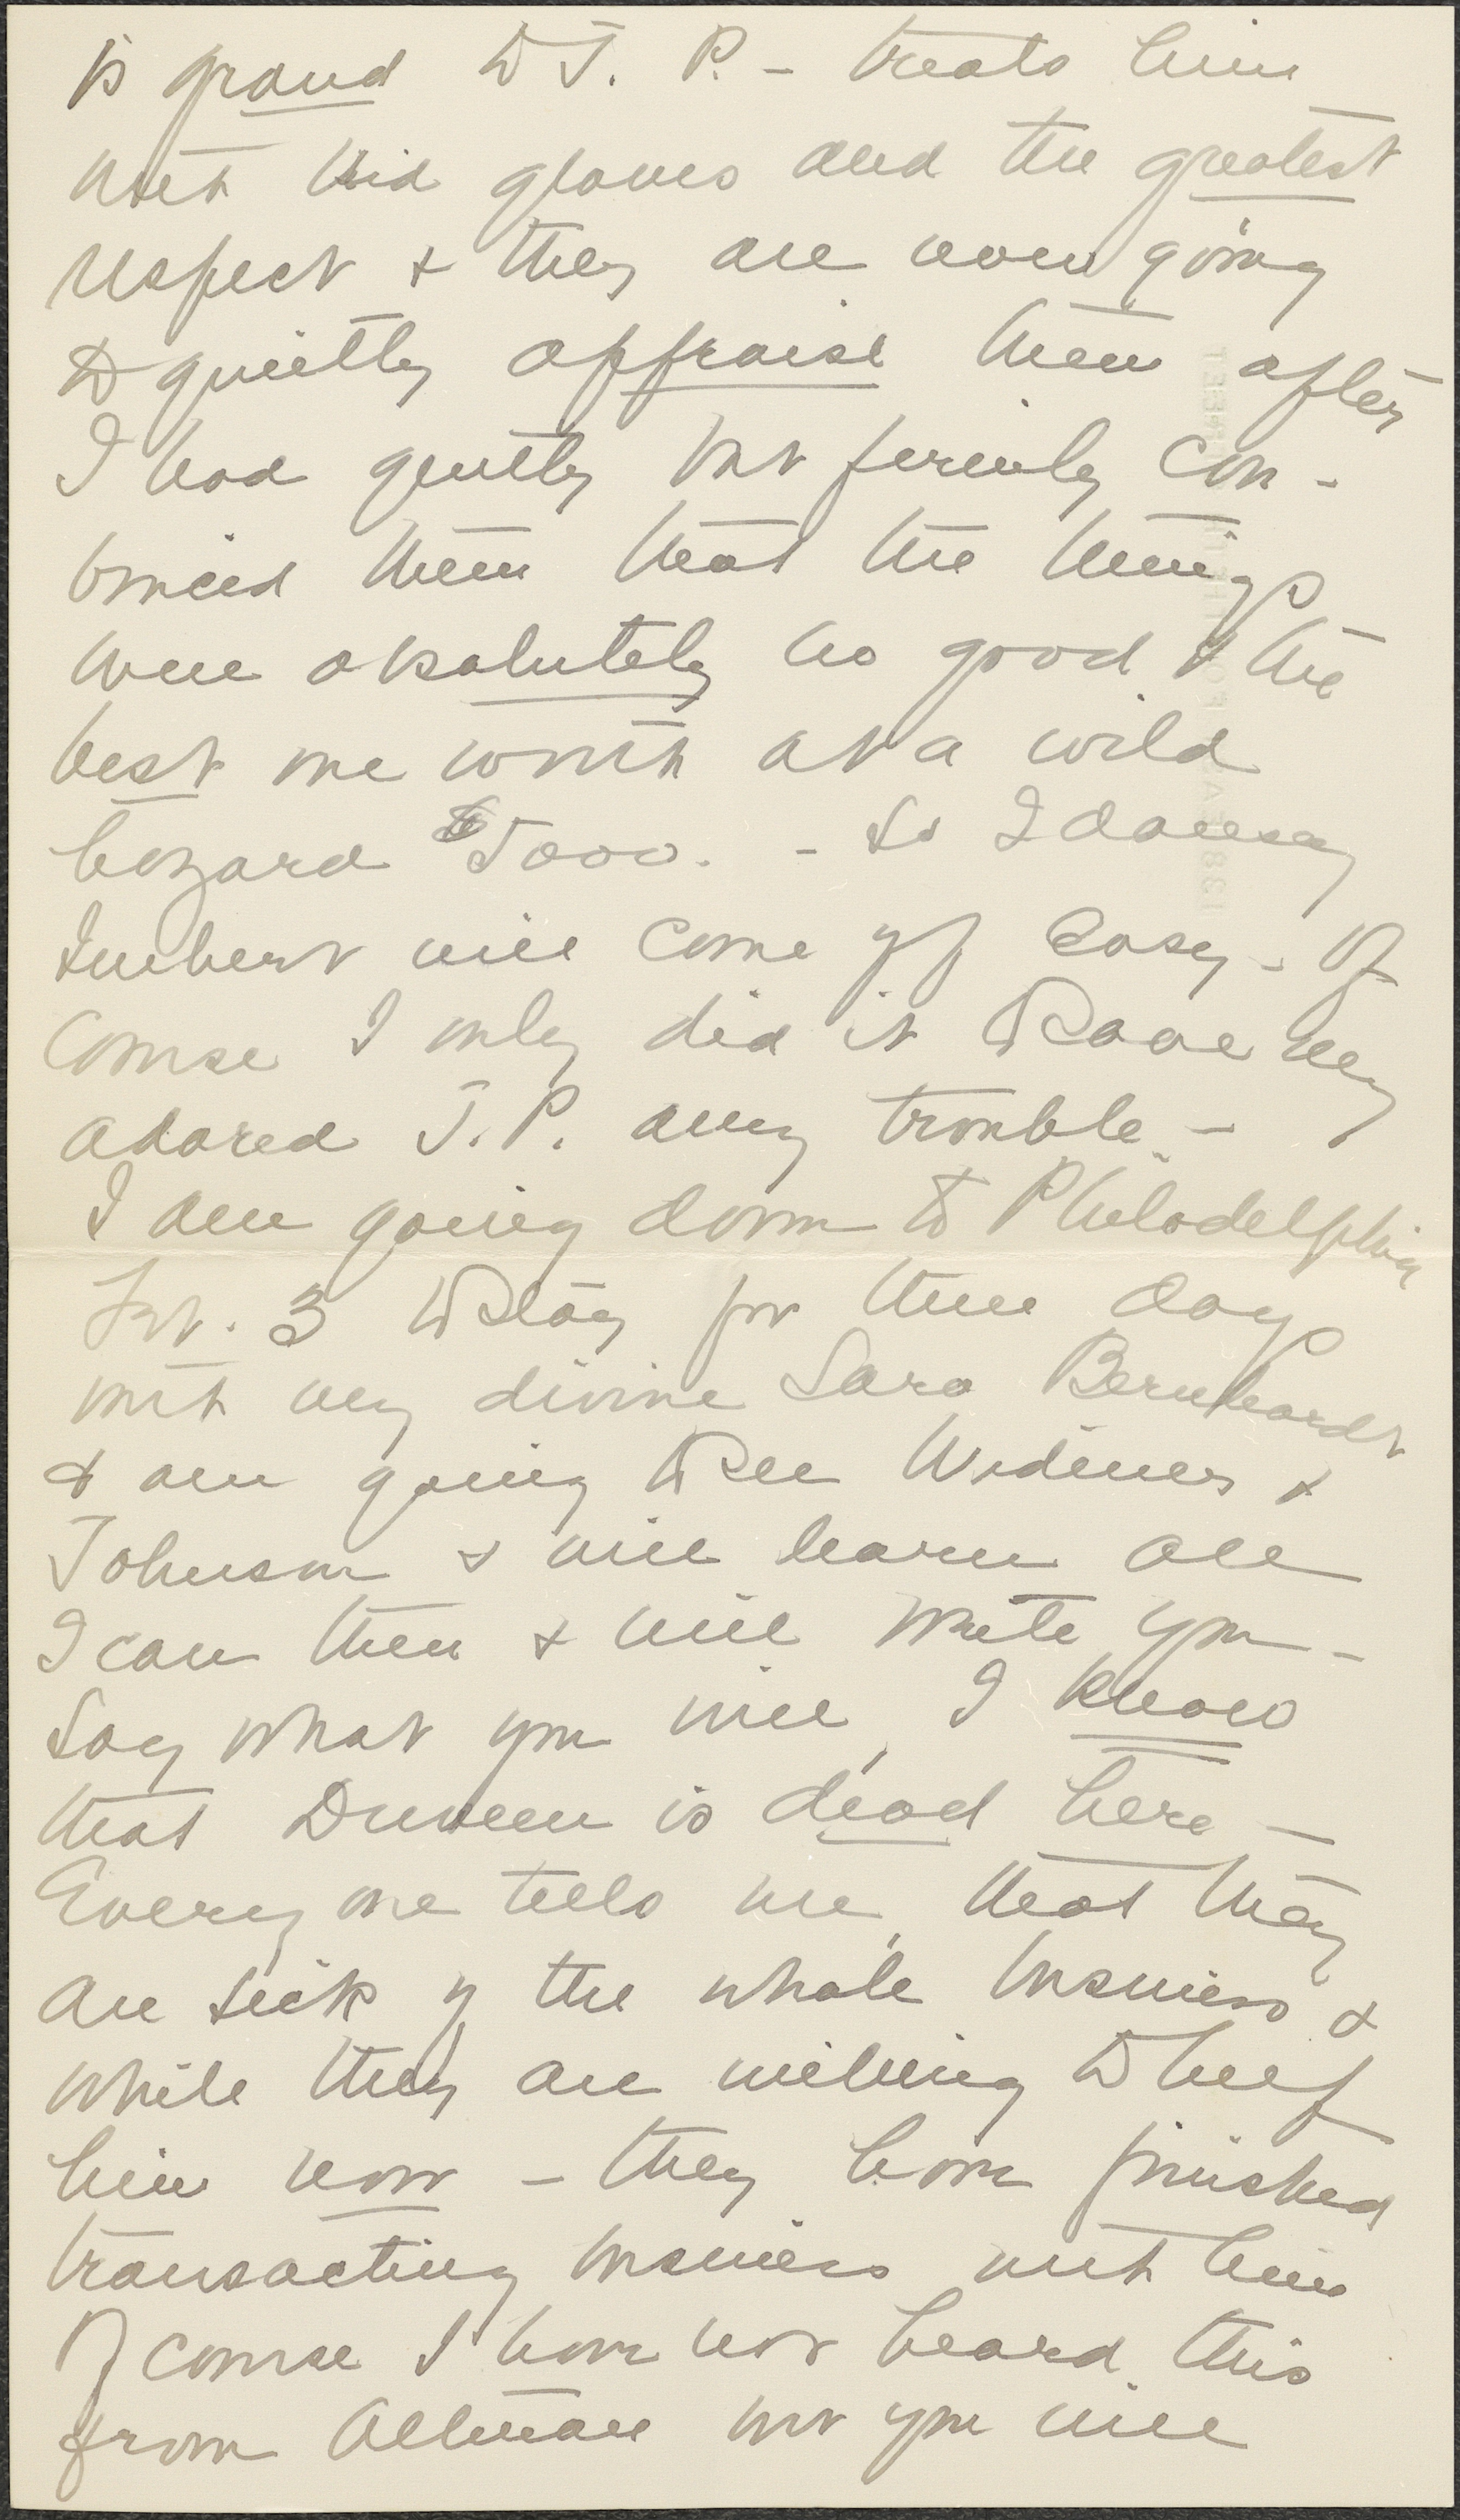is grand to J.P. – treats him with kid gloves and the greatest respect & they are now going to quietly appraise them after I had gently but firmly convinced them that the things were absolutely no good & the best one worth at a wild hazard $5000. – so I daresay Imbert will come off easy – of course I only did it to save my adored J.P. any trouble –
I am going down to Philadelphia Jan. 3 to stay for three days with my divine Sara [sic] Bernhardt & am going to see Widener & Johnson & will learn all I can then & will write you – say what you will, I [double underlined: know] that Duveen is dead here – Everyone tells me that they are sick of the whole business & while they are willing to help him now – they have finished transacting business with him of course I have not heard this from Altman but you will